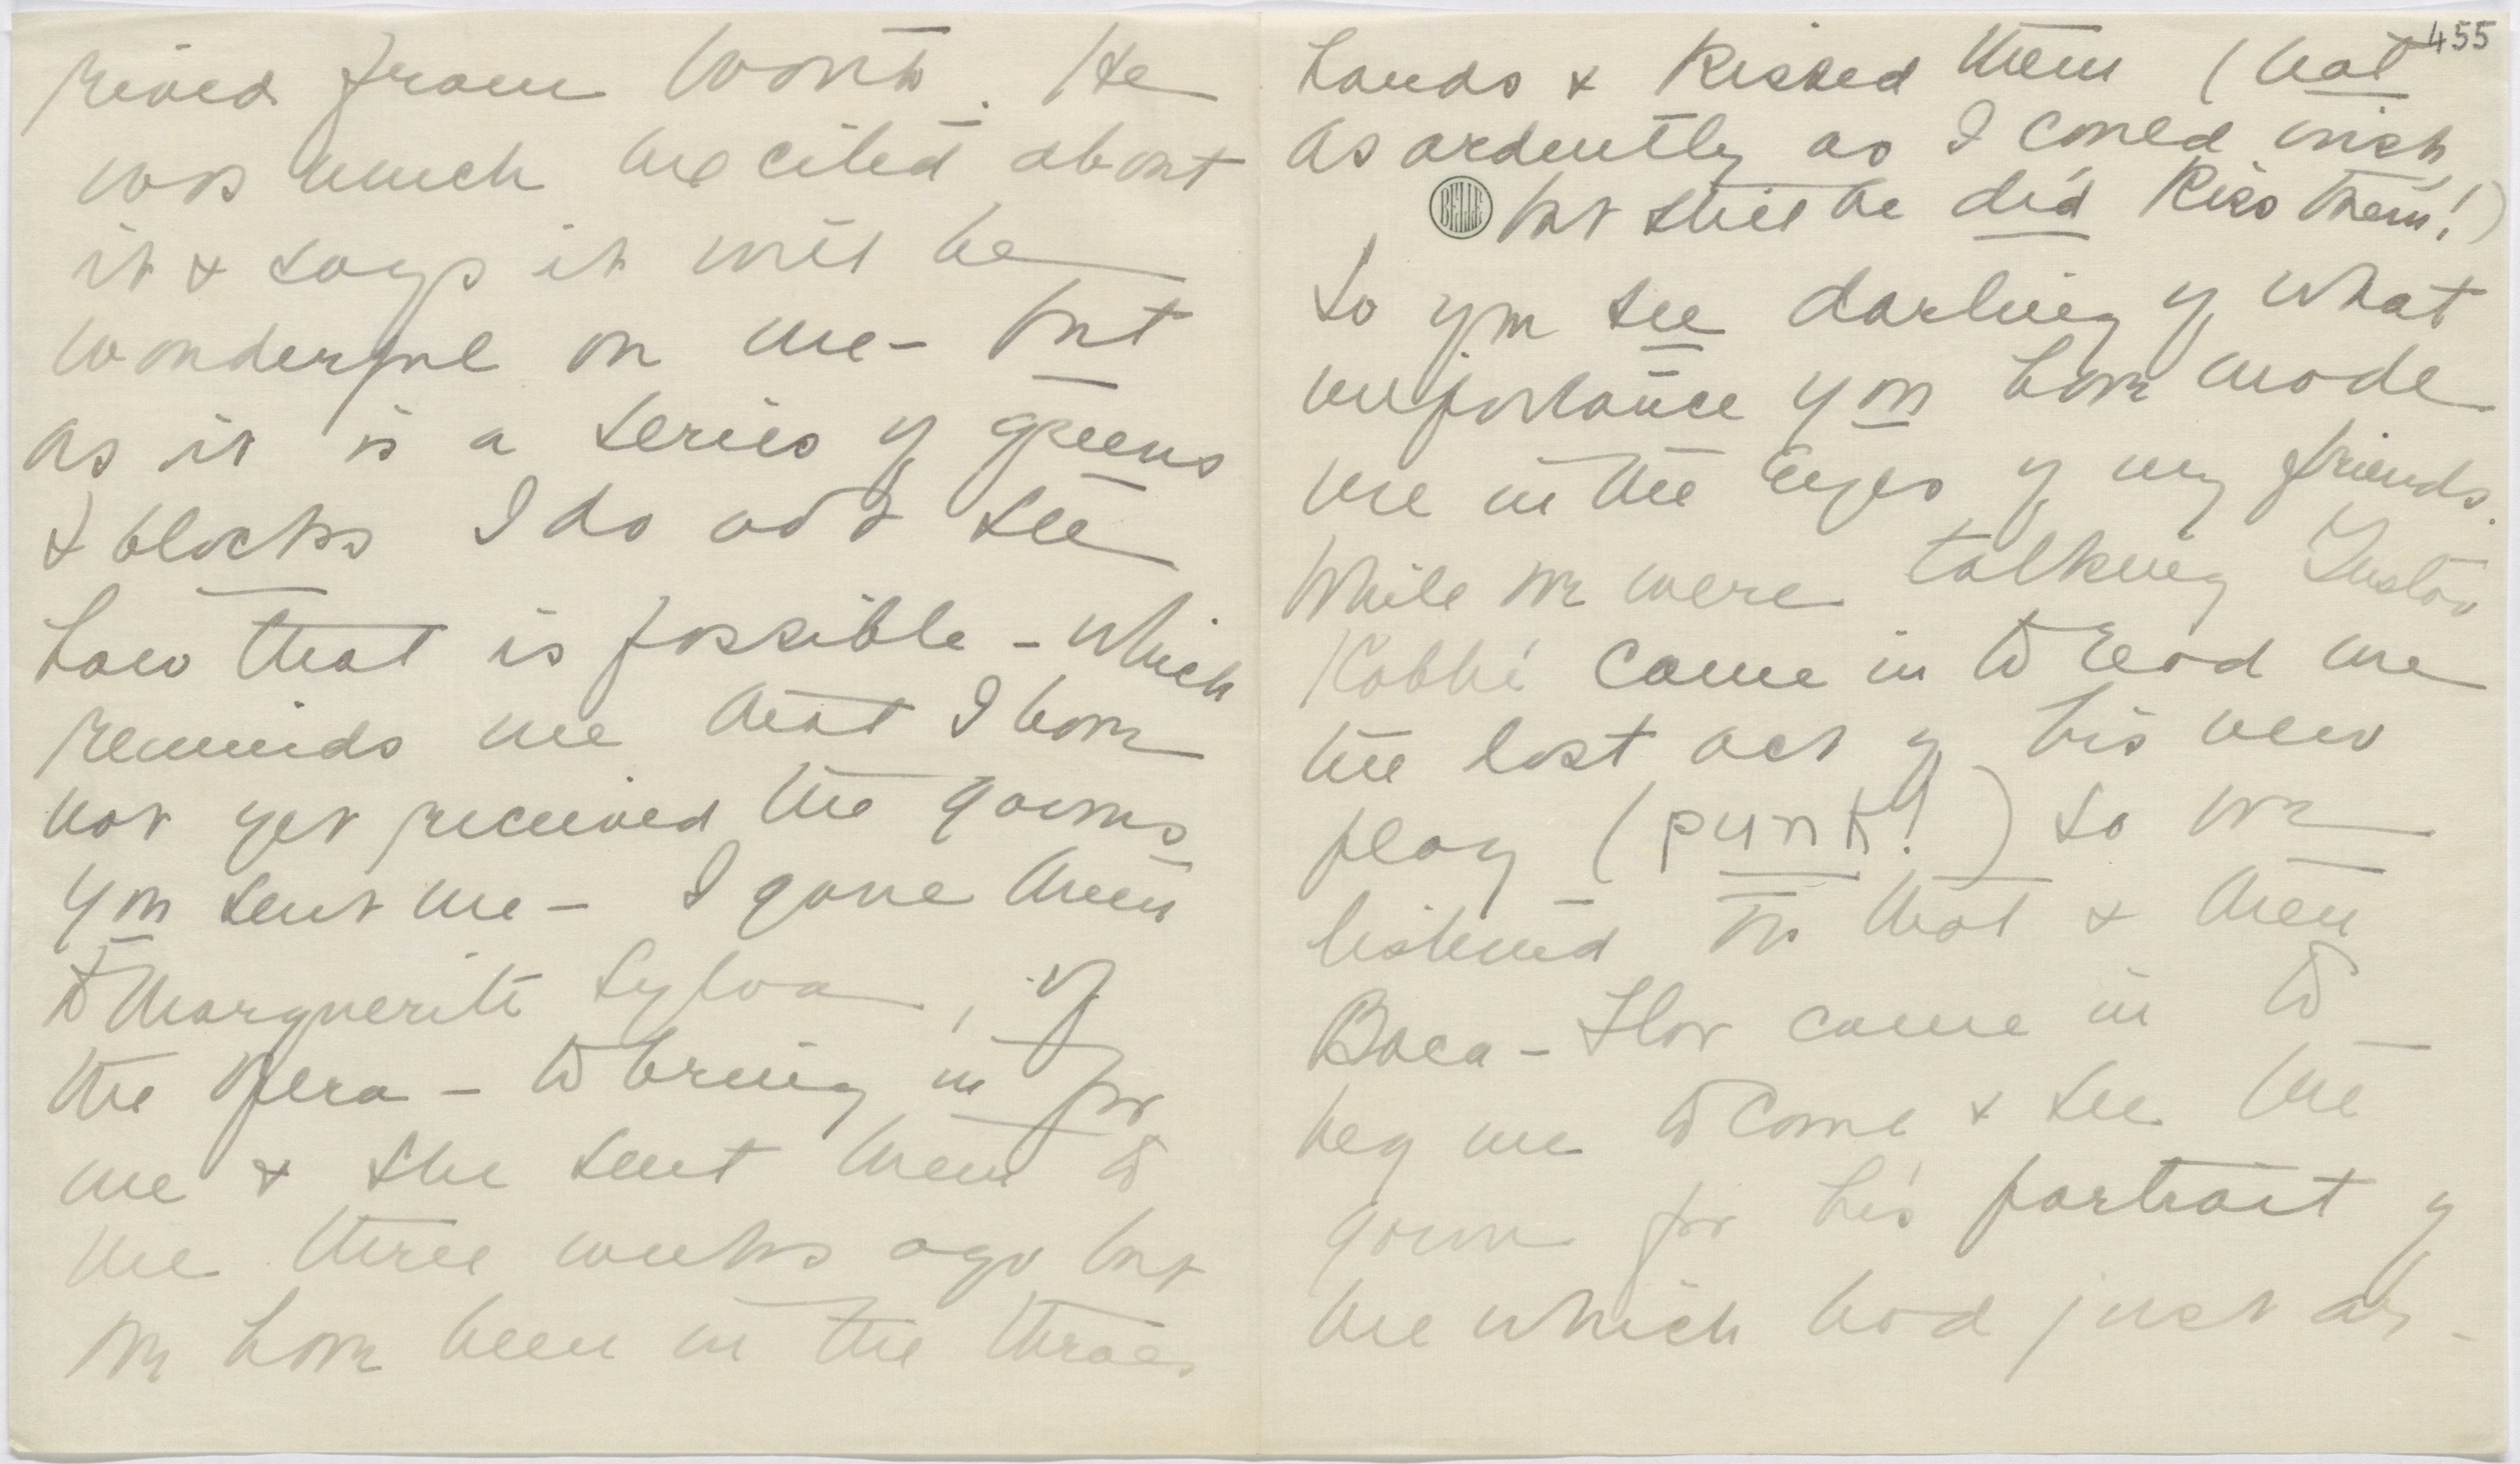hands & kissed them (not as ardently as I could wish, but still he did kiss them!) So you see darling of what importance you have made me in the eyes of my friends. While we were talking Gustav Kobbé came in to read me the last act of his new play ([in secretarial script: punk!]) so we listened to that & then Baca-Flor came in to beg me to come & see the gown for his portrait of me which had just arrived
from Worth. He was much excited about it & says it will be wonderful on me – but as it is a series of greens & blacks I do not see how that is possible – which reminds me that I have not yet received the gowns you sent me – I gave them to Marguerite Sylva, of the opera – to bring in for me & she sent them to me three weeks ago but we have been in the throes